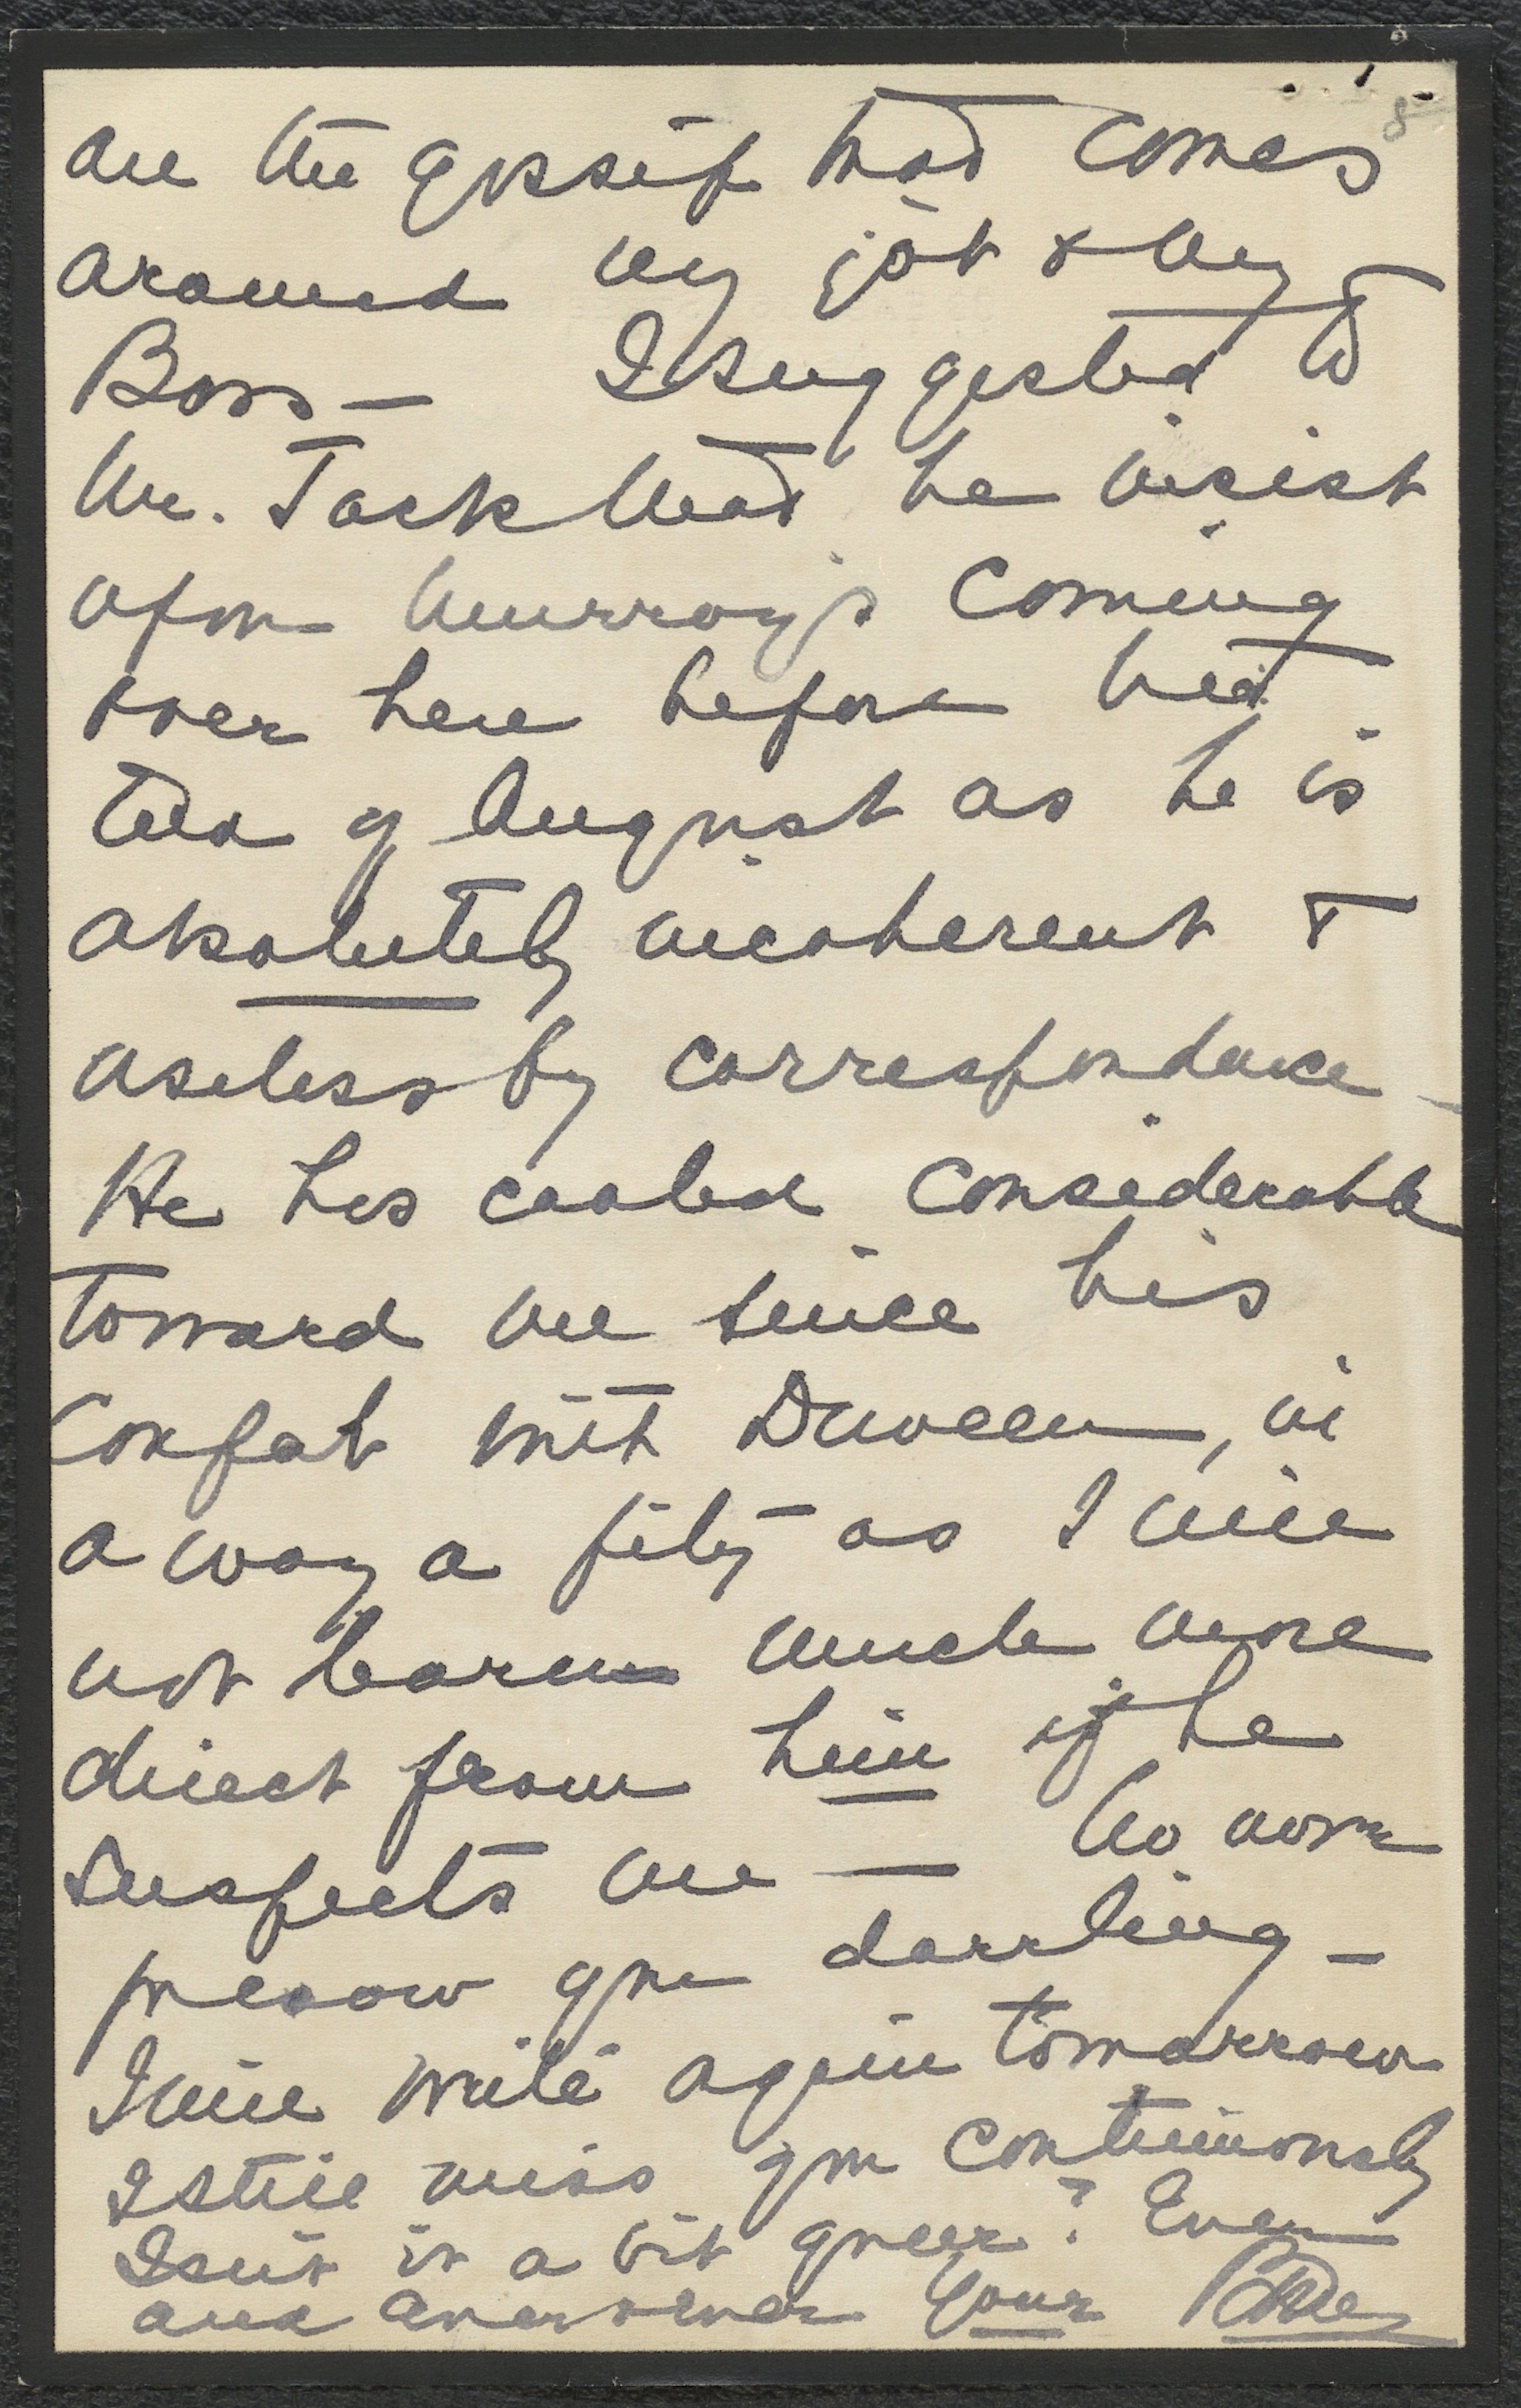all the gossip that comes around my job & my Boss – I suggested to Mr. Jack that he insist upon Murray’s coming over here before the end of August as he is absolutely incoherent & useless by correspondence – He has cooled considerable toward me since his confab with Duveen, in a way a pity as I will not learn much more direct from him if he suspects me – no more for now of me darrling – I will write again tomorrow I still miss you continuously Isn’t it a bit queer? Ever and ever & ever Your Belle